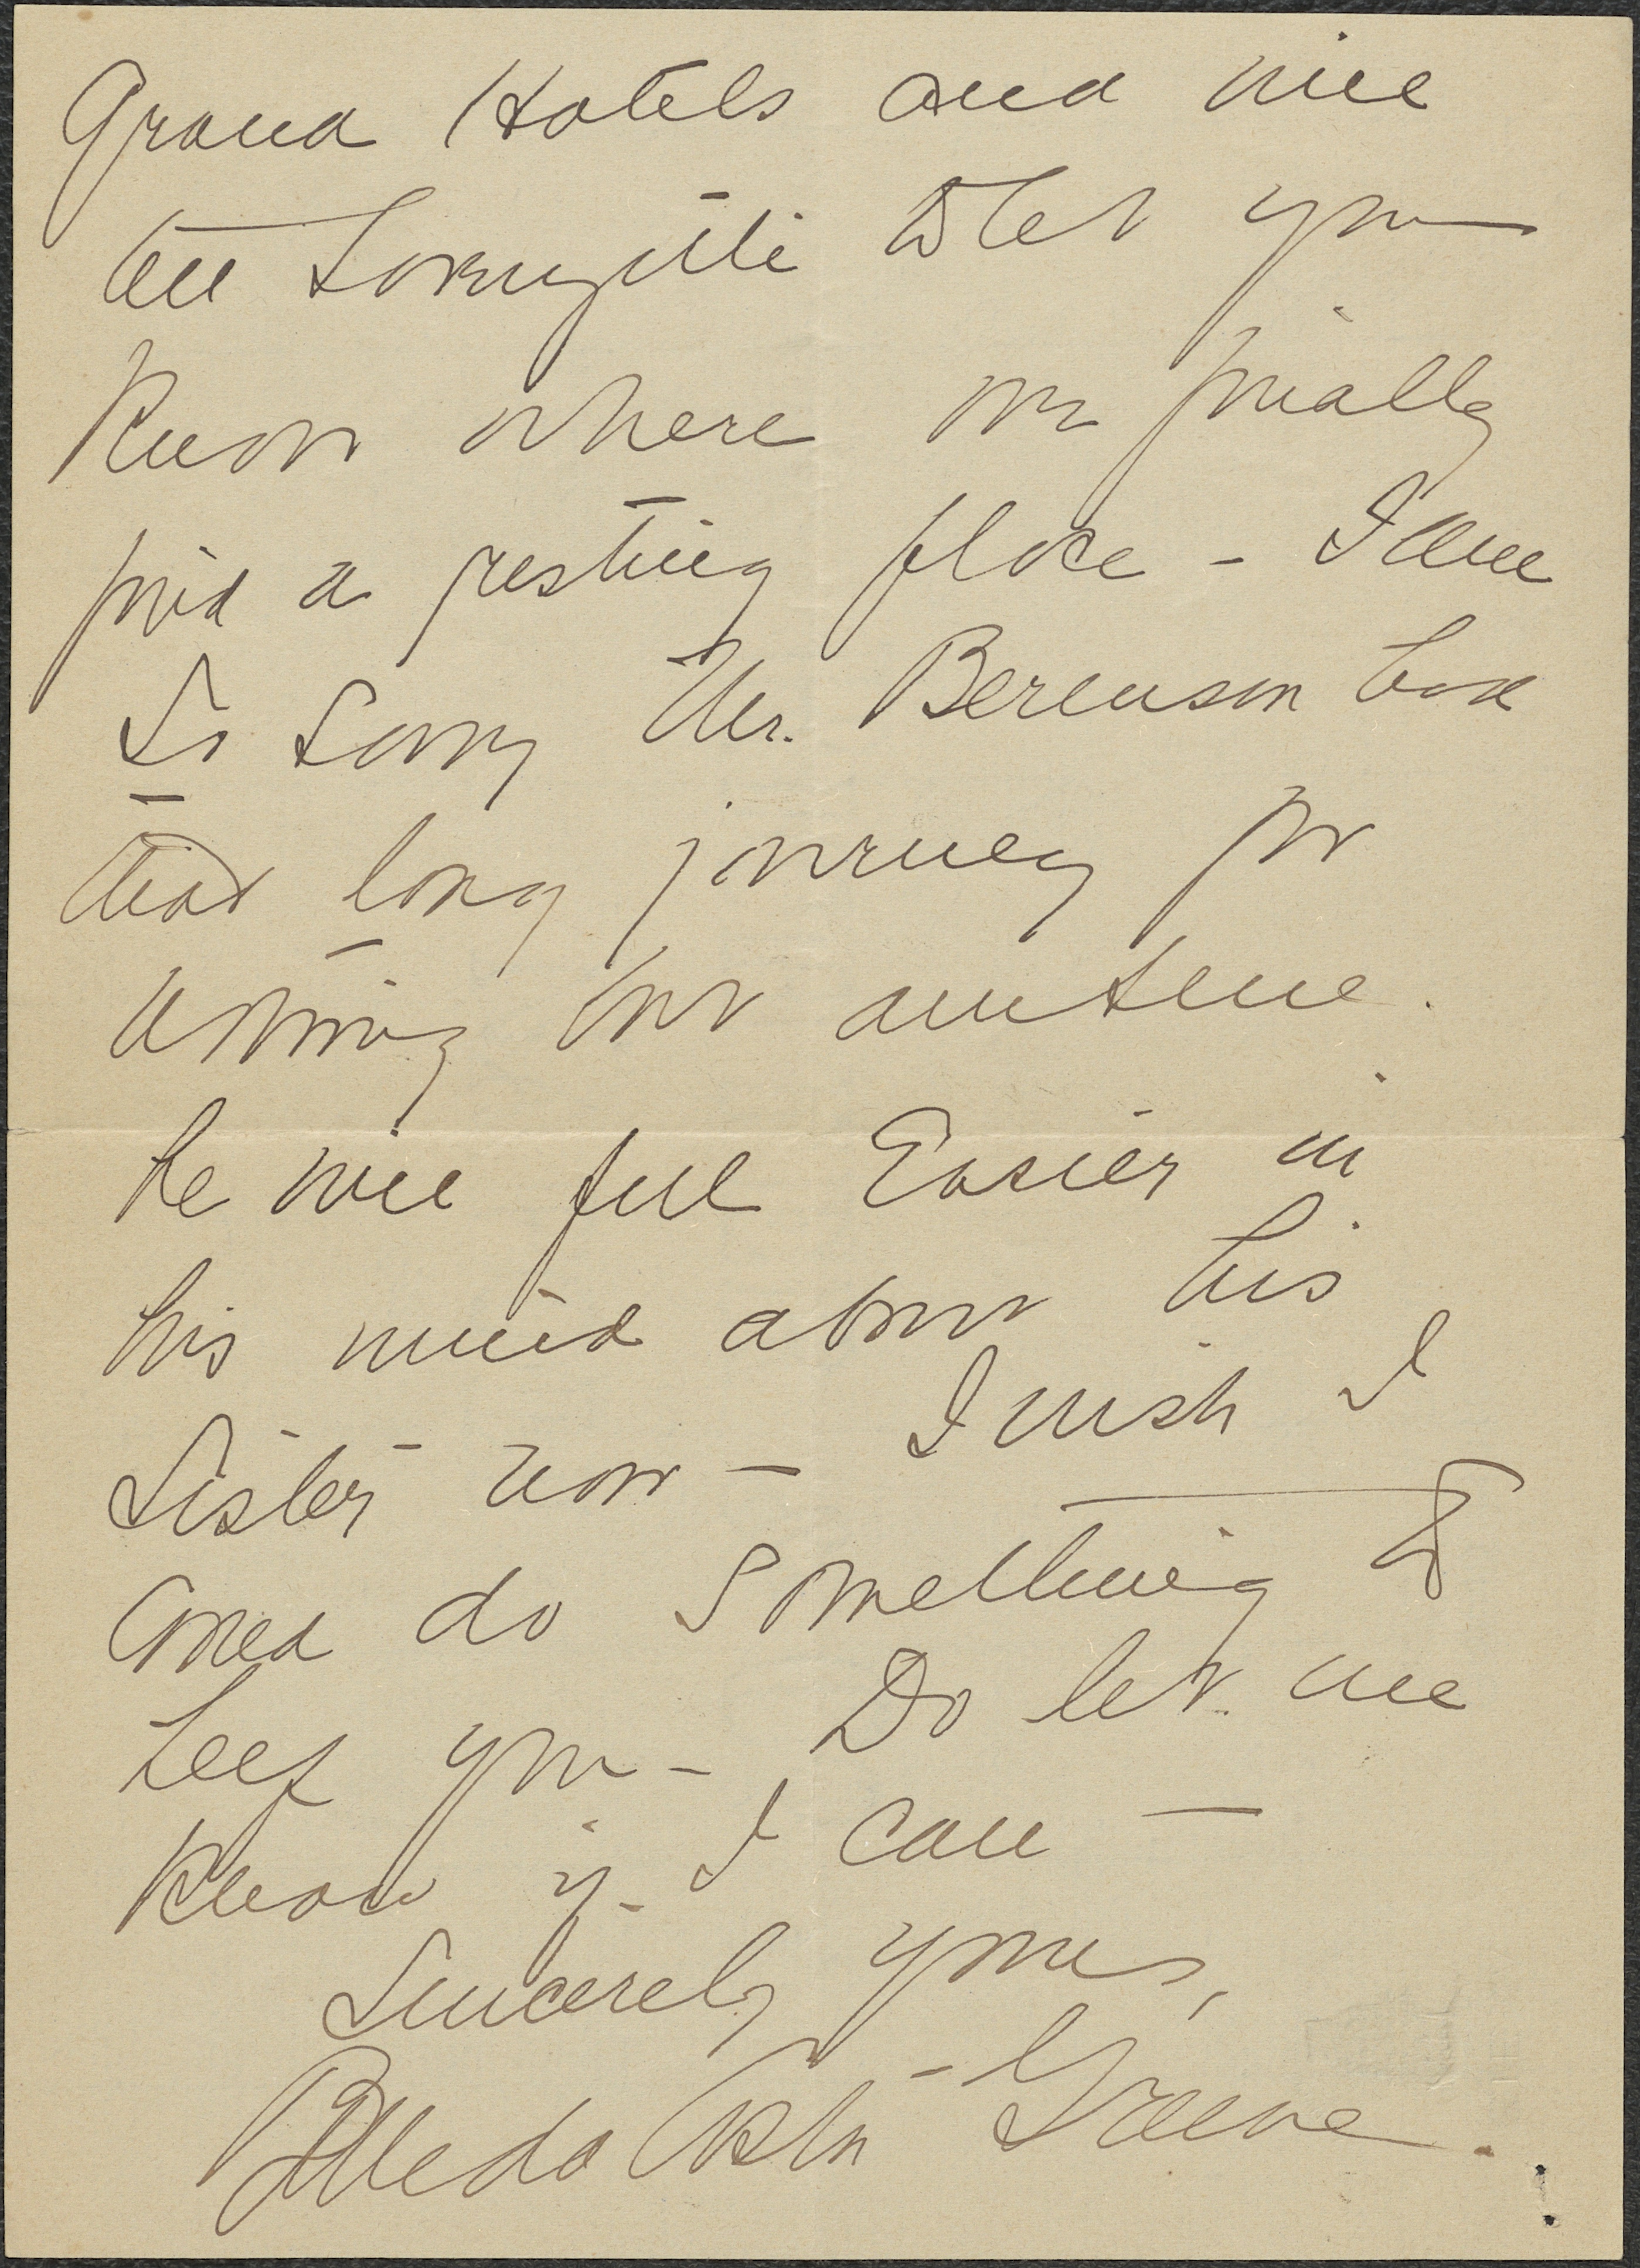Grand Hotels and will tell Lorenzetti to let you know where we finally find a resting place – I am so sorry Mr. Berenson had that long journey for nothing but am sure he will feel easier in his mind about his Sister now – I wish I could do something to help you – Do let me know if I can –
Sincerely yours,
Belle da Costa Greene